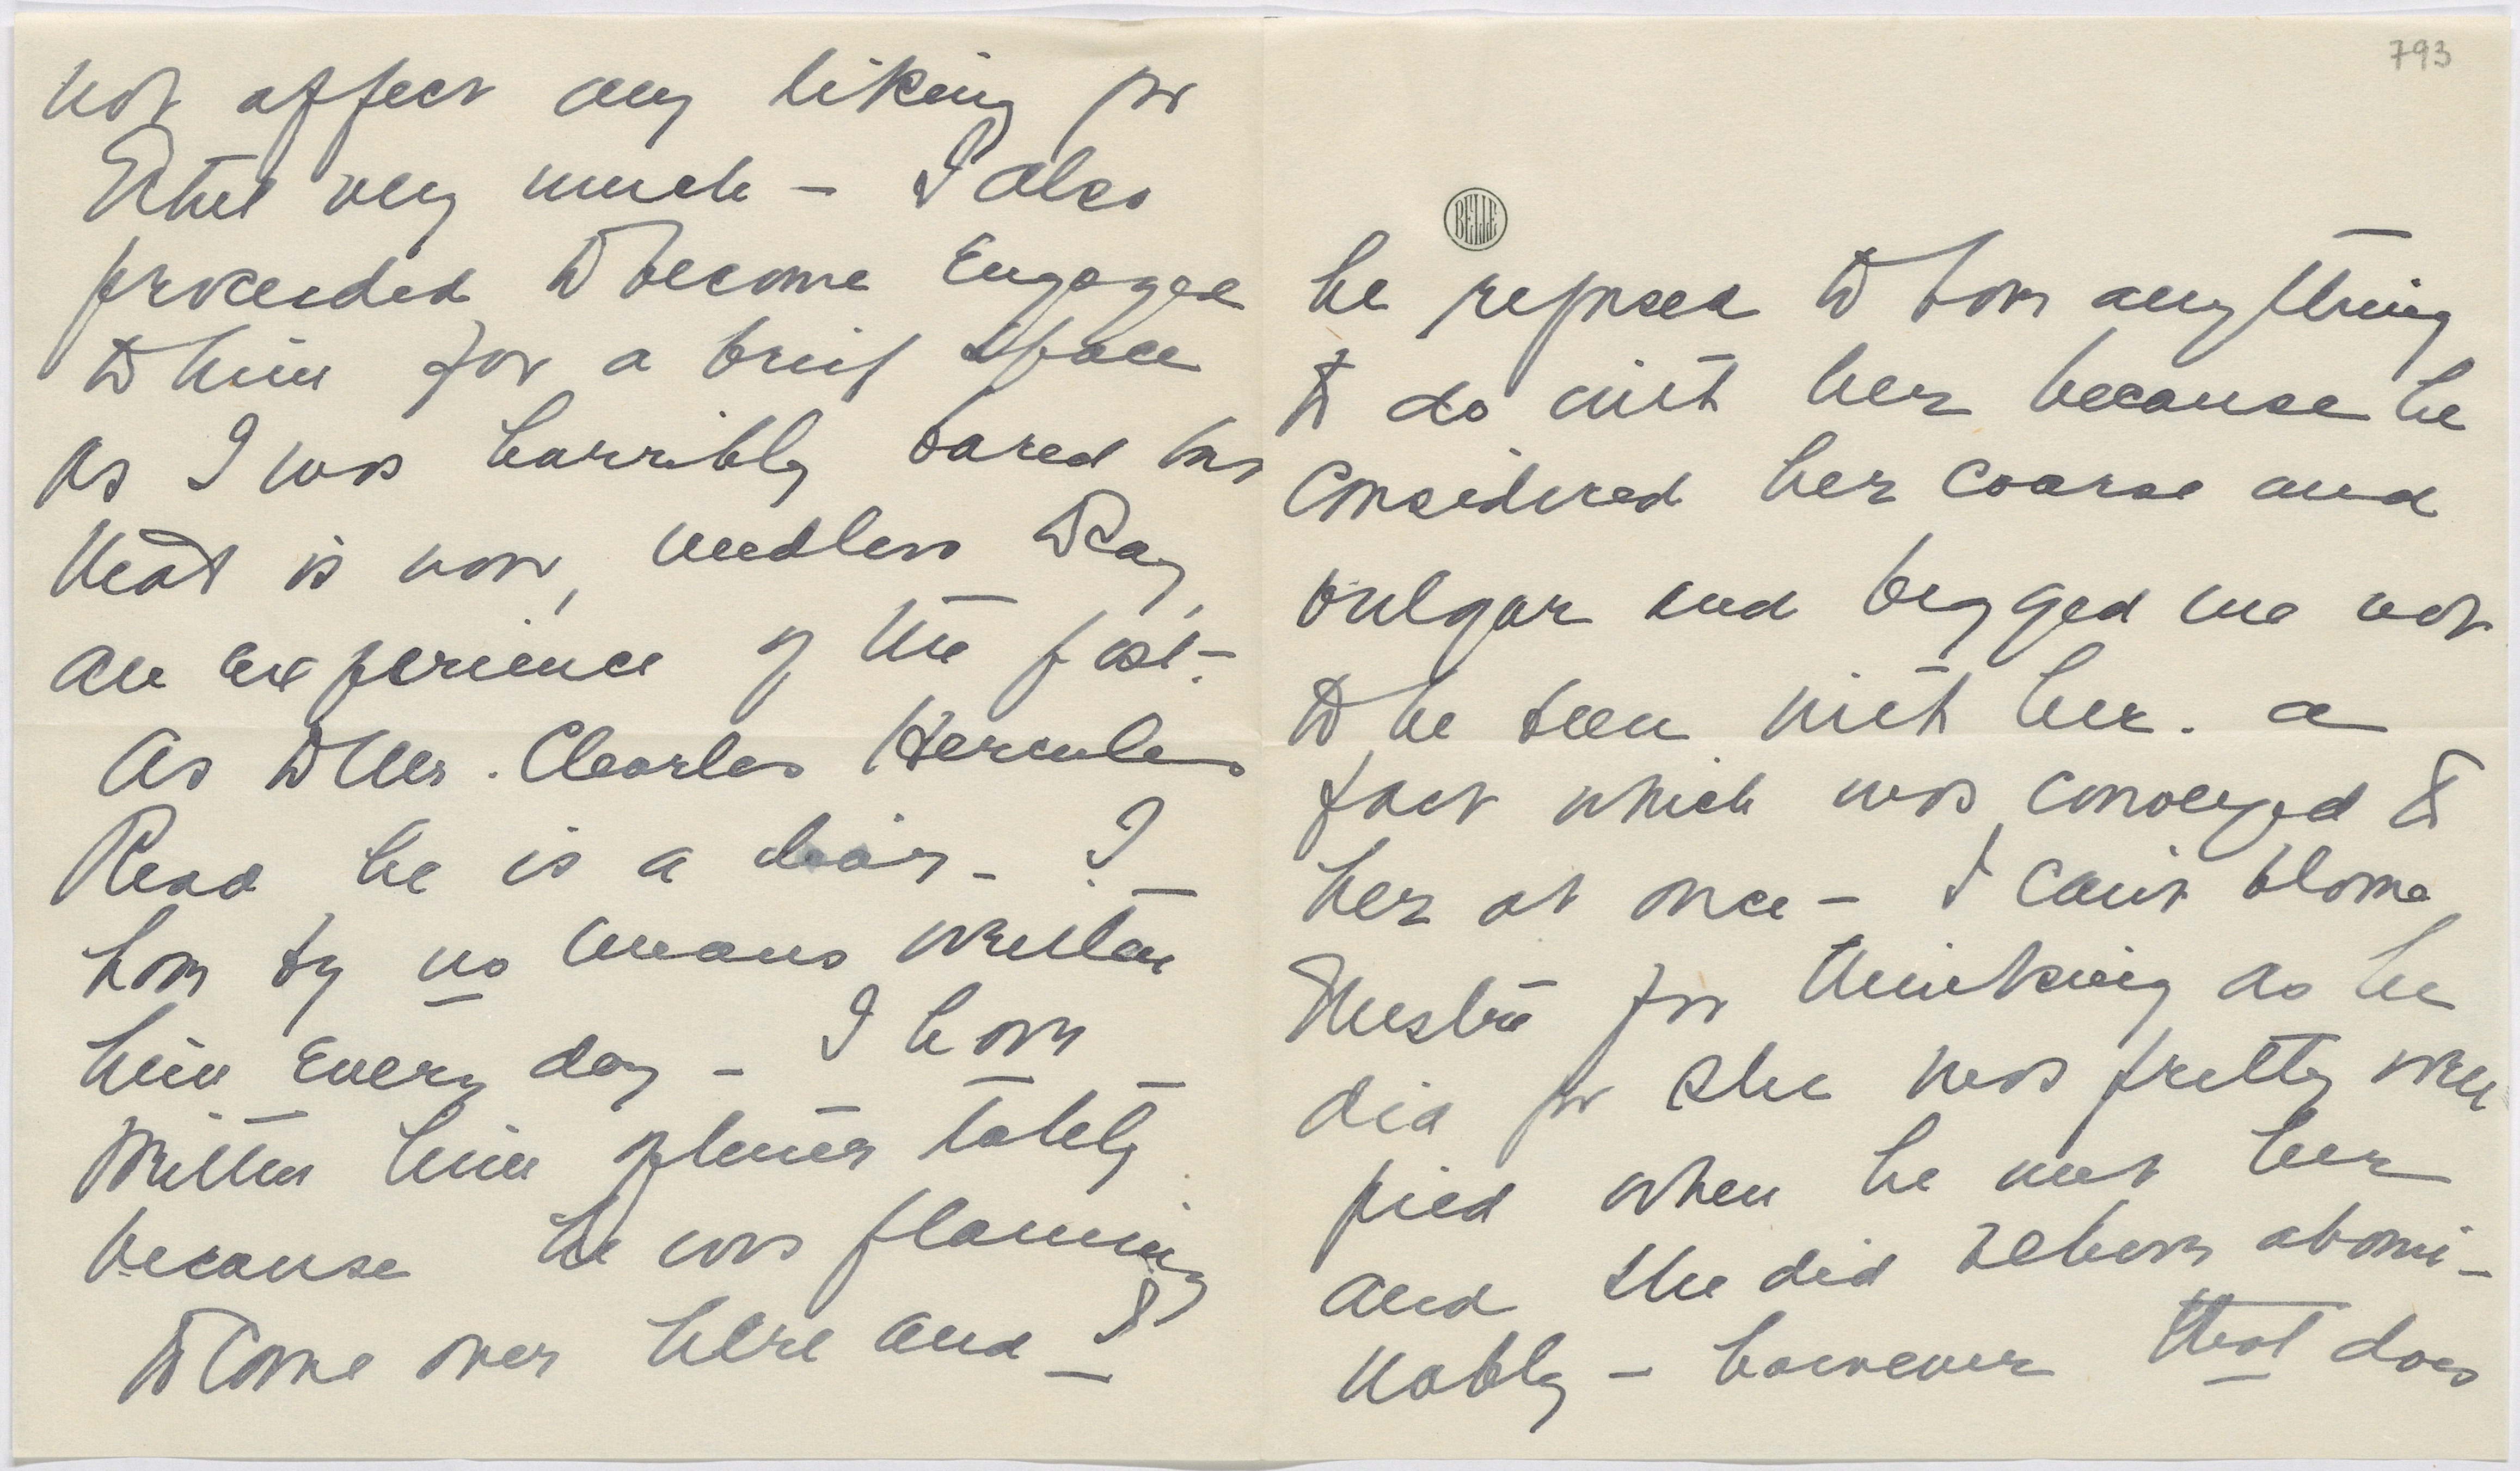he refused to have anything to do with her because he considered her coarse and vulgar and begged me not to be seen with her. a fact which was conveyed to her at once – I can’t blame Mestre for thinking as he did for she was pretty well pied when he met her and she did behave abominably – however that does
not affect my liking for Ethel very much – I also proceeded to become engaged to him for a brief space as I was horribly bored but that is now, needless to say, an experience of the past.
As to Mr. Charles Hercules Read he is a liar – I have by no means written him every day – I have written him oftener lately because he was planning to come over here and I